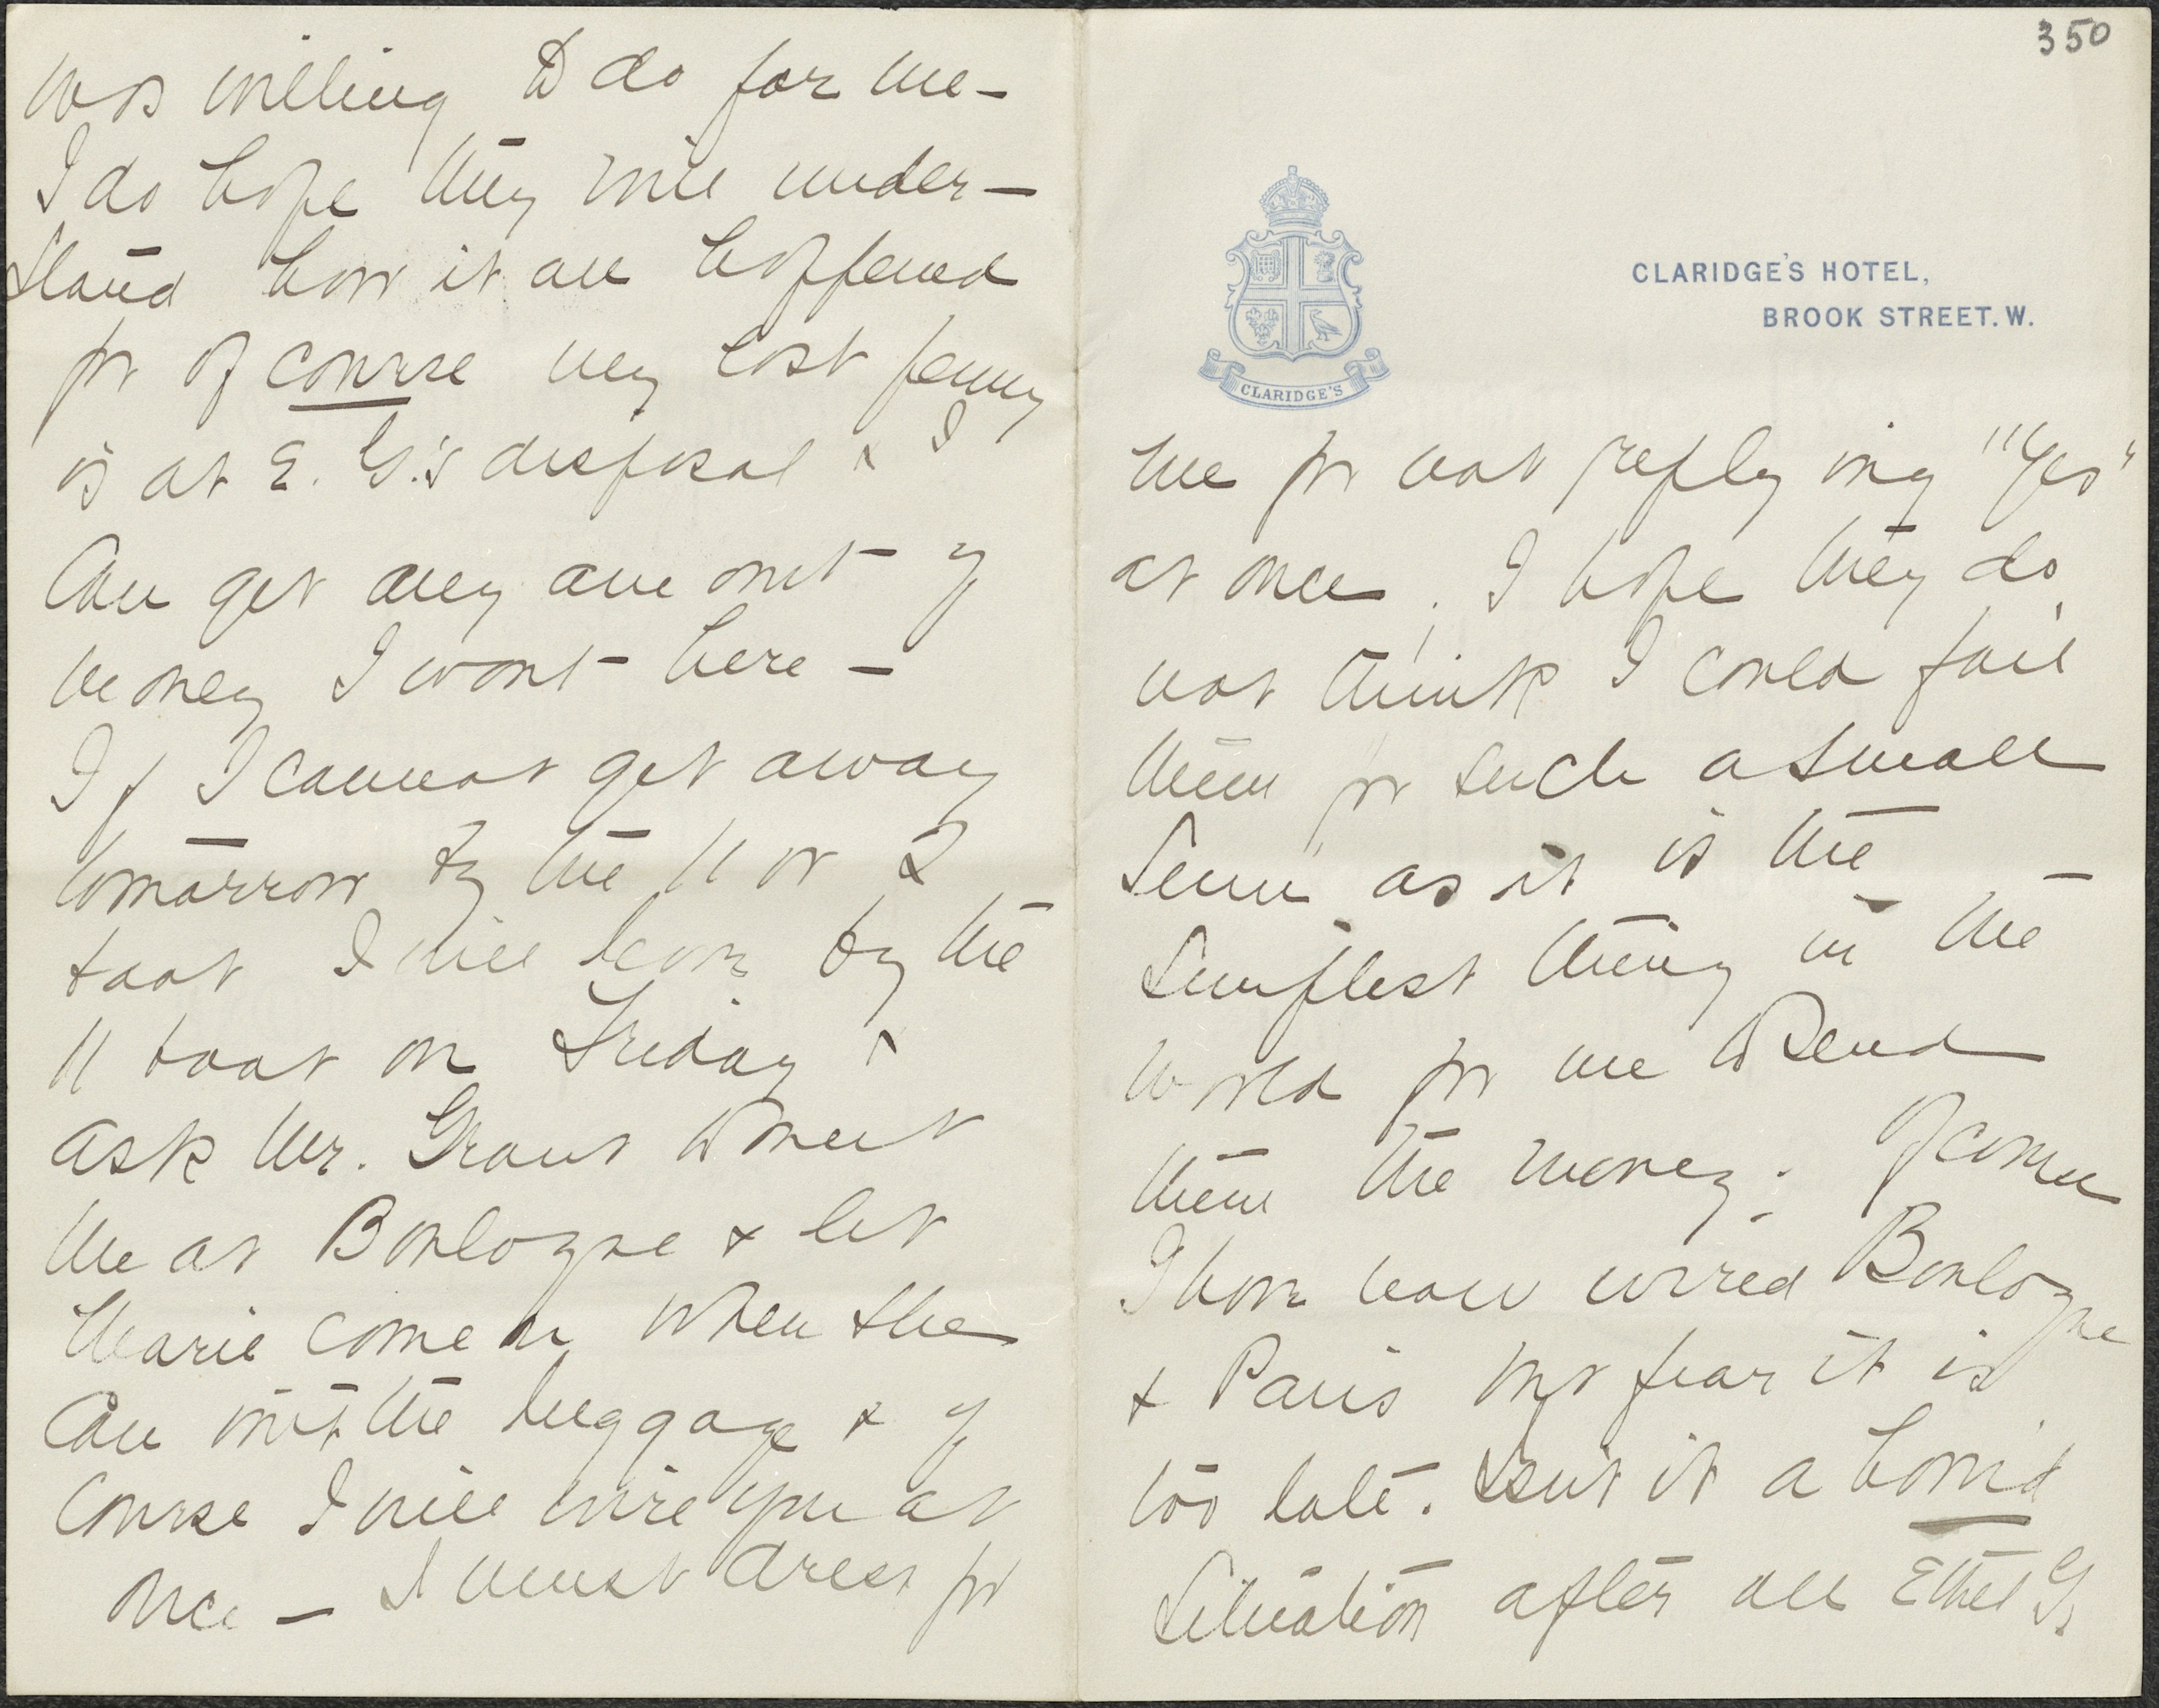me for not replying “Yes” at once; I hope they do not think I could fail them for such a small sum as it is the simplest thing in the world for me to send them the money. Of course I have now wired Boulogne & Paris but fear it is too late. Isn’t it a horrid situation after all Ethel G.
was willing to do for me – I do hope they will understand how it all happened for of course my last penny is at E. G.’s disposal & I can get any amount of money I want here – If I cannot get away tomorrow by the 11 or 2 boat I will leave by the 11 boat on Friday & ask Mr. Grant to meet me at Boulogne & let Marie come on when she can with the luggage & of course I will wire you at once – I must dress for